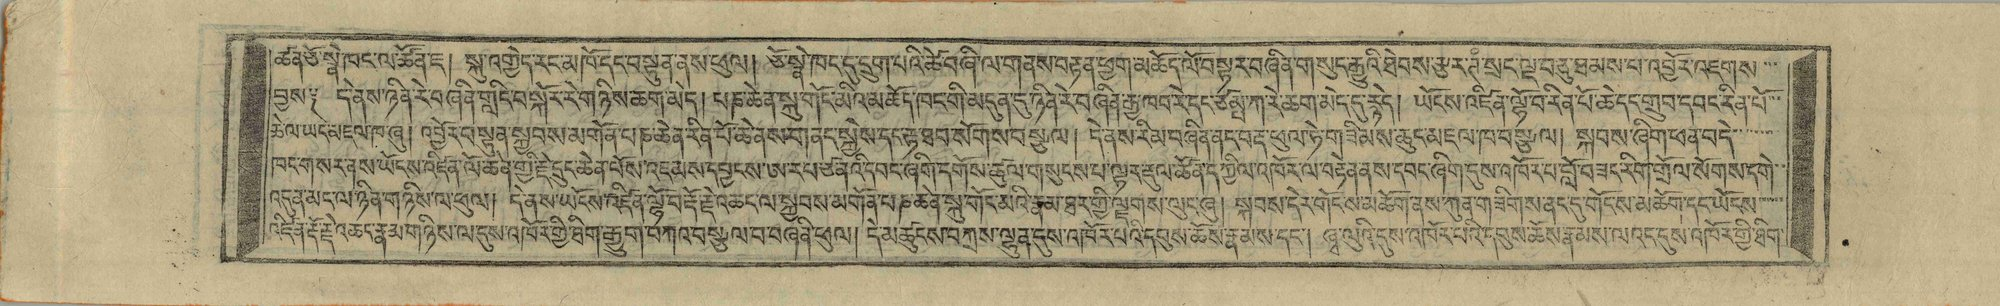ཚན་ཅོ་སྣེ་ཁང་ལ་ཚོན་ཇ། སྐུ་འགྱེད་རང་མཁོ་དང་བསྟུན་ནས་ཕུལ། ཅོ་སྣེ་ཁང་དུ་དྲུག་པའི་ཚེ་བཞི་ལ་གནས་བརྟན་ཕྱག་མཆོད་ལོ་བསྟར་བཞིན་གསུང་རྒྱུའི་ཐེབས་རྩར་ཊཾ་སྲང་ལྔ་བཅུ་ཐམས་པ་འབྱོར་འཇགས་
བྱས༑ དེ་ནས་ཉིན་རེ་བཞིན་གླིང་བསྐོར་རེ་གཉིས་ཆག་མེད། པཎ་ཆེན་སྐུ་གོང་མའི་མཆོད་ཁང་གི་མདུན་དུ་ཉིན་རེ་བཞིན་རྒྱ་ཁབ་རེ་དང་ཙམྤ་ཀ་རེ་ཆག་མེད་དུ་རྙེད། ཡོངས་འཛིན་ལྷོ་བ་རིན་པོ་ཆེ་དང་གྲུབ་དབང་རིན་པོ་
ཆེ་ལ་ཡང་མཇལ་ཁ་ཞུ། འབྱོར་བསྟུན་སྐྱབས་མགོན་པཎ་ཆེན་རིན་པོ་ཆེ་ནས་གནང་སྐྱེས་དང་རྟ་ཐབ་སོགས་བསྩལ། དེ་ནས་རིམ་བཞིན་ནང་བརྡ་ཕུལ་ཏེ་གཟིམས་ཆུང་མཇལ་ཁ་བསྩལ། སྐབས་ཞིག་ཕན་བདེ་
ཁང་གསར་ནས་ཡོངས་འཛིན་ལོ་ཆེན་གྱི་རྗེ་དྲུང་ཆེན་པོས་འཇམས་དབྱངས་ཨ་ར་པ་ཙ་ནའི་དབང་ཞིག་དགོས་ཚུལ་གསུངས་པ་ལྟར་རྡུལ་ཚོན་དཀྱིལ་འཁོར་ལ་བརྟེན་ནས་དབང་ཞིག་དུས་འཁོར་བ་བློ་བཟང་རིག་གྲོལ་སོགས་དགེ་
འདུན་མང་ལ་ཉིན་གཉིས་ལ་ཕུལ། དེ་ནས་ཡོངས་འཛིན་ལྷོ་བ་རྡོ་རྗེ་འཆང་ལ་སྐྱབས་མགོན་པཎ་ཆེན་སྐུ་གོང་མའི་རྣམ་ཐར་གྱི་ལྗགས་ལུང་ཞུ། སྐབས་དེར་གོང་ས་མཆོག་ནས་ཀུན་གཟིགས་ནང་དུ་གོང་ས་མཆོག་དང་ཡོངས་
འཛིན་རྡོ་རྗེ་འཆང་རྣམས་གཉིས་ལ་དུས་འཁོར་གྱི་ཐིག་རྒྱུག་བཀའ་བསྩལ་བ་བཞིན་ཕུལ། དེ་མཚུངས་བཀྲས་ལྷུན་དུས་འཁོར་པའི་དབུས་ཆོས་རྣམས་དང་། ཞྭ་ལུའི་དུས་འཁོར་བའི་དབུས་ཆོས་རྣམས་ལའང་དུས་འཁོར་གྱི་ཐིག་